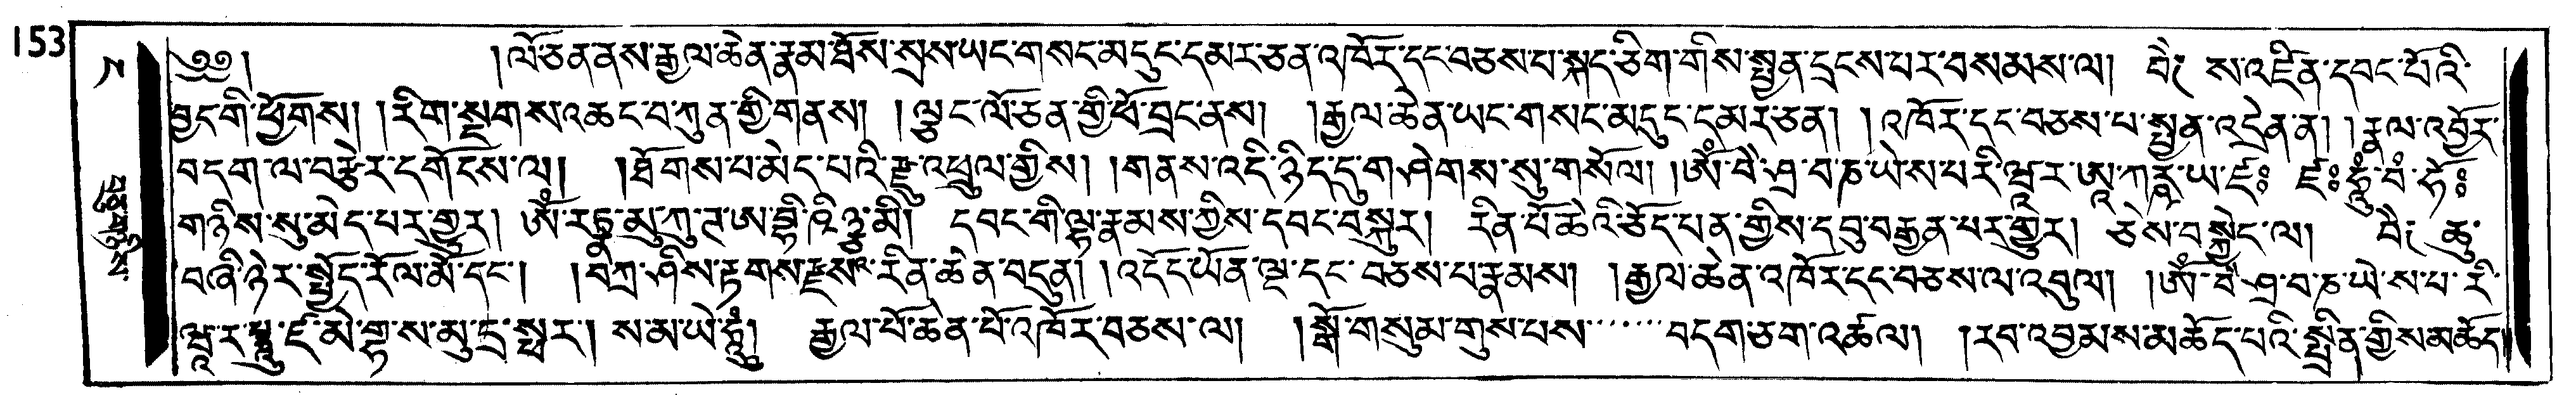༄༅། །ལོ་ཅན་ནས་རྒྱལ་ཆེན་རྣམ་ཐོས་སྲས་ཡང་གསང་མདུང་དམར་ཅན་འཁོར་དང་བཅས་པ་སྐད་ཅིག་གིས་སྤྱན་དྲངས་པར་བསམས་ལ། བཻ༑ ས་འཛིན་དབང་པོའི་
བྱང་གི་ཕྱོགས། །རིག་སྔགས་འཆང་བ་ཀུན་གྱི་གནས། །ལྕང་ལོ་ཅན་གྱི་ཕོ་བྲང་ནས། །རྒྱལ་ཆེན་ཡང་གསང་མདུང་དམར་ཅན། །འཁོར་དང་བཅས་པ་སྤྱན་འདྲེན་ན། །རྣལ་འབྱོར་
བདག་ལ་བརྩེར་དགོངས་ལ། །ཐོགས་པ་མེད་པའི་རྫུ་འཕྲུལ་གྱིས། །གནས་འདི་ཉིད་དུ་གཤེགས་སུ་གསོལ། །ཨོཾ་བཻ་ཤྲ་བ་ཎ་ཡེ་ས་པ་རི་ཝཱ་ར་ཨཱ་ཀརྵ་ཡ་ཛཿ ཛཿ ཧཱུཾ་བཾ་ཧོཿ
གཉིས་སུ་མེད་པར་གྱུར། ཨོཾ་རཏྣ་མུ་ཀུ་ཊ་ཨ་བྷི་ཥི་ཉྩཱ་མི། དབང་གི་ལྷ་རྣམས་ཀྱིས་དབང་བསྐུར། རིན་པོ་ཆེའི་ཅོད་པན་གྱིས་དབུ་བརྒྱན་པར་གྱུར། ཅེས་བསྐྱེད་ལ། བཻ༑ ཆུ་
བཞི་ཉེར་སྤྱོད་རོལ་མོ་དང་། །བཀྲ་ཤིས་རྟགས་རྫས་རིན་ཆེན་བདུན། །འདོད་ཡོན་ལྔ་དང་བཅས་པ་རྣམས། །རྒྱལ་ཆེན་འཁོར་དང་བཅས་ལ་འབུལ། །ཨོཾ་བཻ་ཤྲ་བ་ཎ་ཡེ་ས་པ་རི་
ཝཱ་ར་ཕཱུ་ཛ་མེ་གྷ་ས་མུ་དྲ་སྥར། ས་མ་ཡེ་ཧཱུཾ། རྒྱལ་པོ་ཆེན་པོ་འཁོར་བཅས་ལ། །སྒོ་གསུམ་གུས་པས་བདག་ཅག་འཚལ། །རབ་འབྱམས་མཆོད་པའི་སྤྲིན་གྱིས་མཆོད།